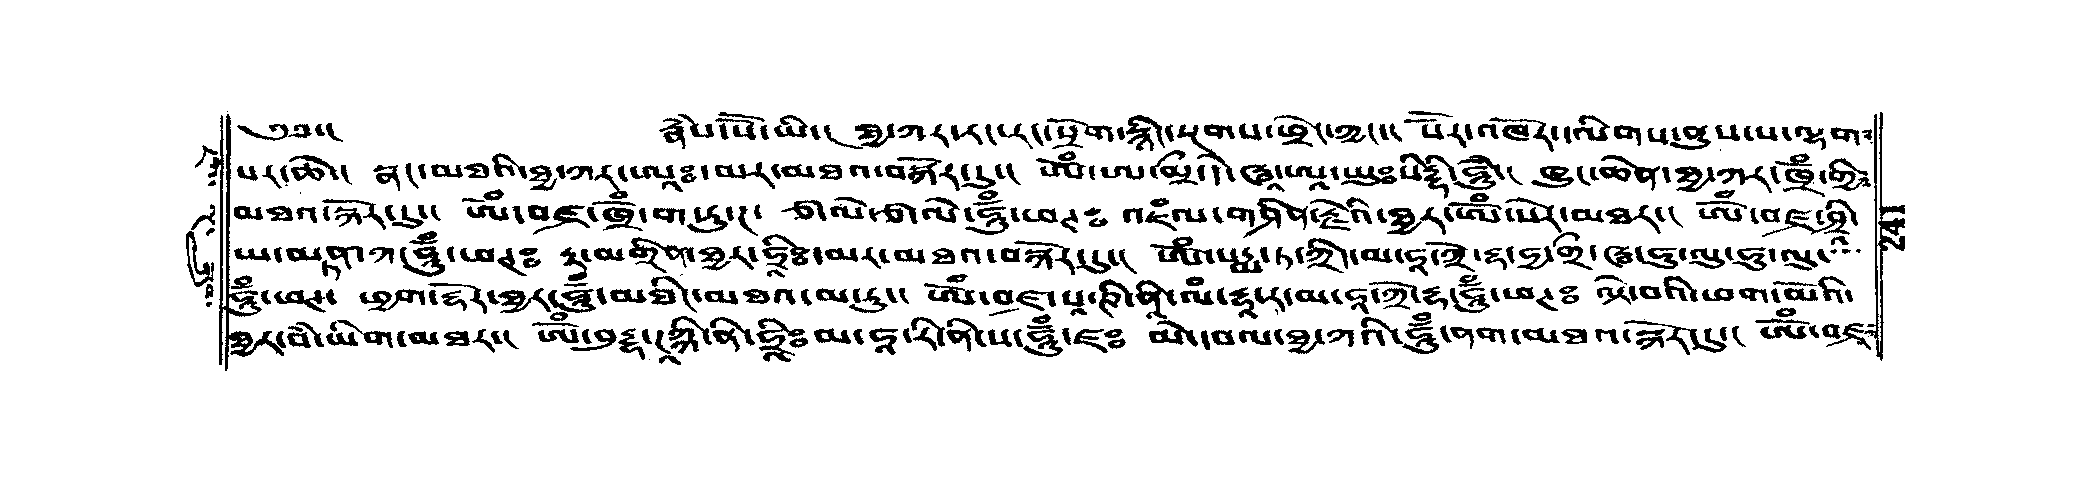རྣམས་སོ་སོ་ཡི། །ཐུགས་ཀར་རང་རང་སྲོག་རྙིང་སྔགས་ཕྲེང་ཀྱང་། སོ་སོར་འཁོར་དམིགས་ནུས་པ་ལྷག་
པར་ཆེ། །སྣང་མཐའི་ཐུགས་ཀར་ཨཱཿདམར་མཐའ་སྐོར་དུ། །ཨོྃ་ཨ་མྲྀ་དེ་ཝཱ་ཨཱ་ཡུ་སིདྡྷི་ཧཱུྃ། ཁྱུང་ཆེན་ཐུགས་ཀར་ཁྲོམ་གྱི་
མཐའ་སྐོར་དུ། །ཨོྃ་བཛྲ་ཁྲོཾ་ག་རུ་ཊ་ཙ་ལེ་ཙ་ལེ་ཧཱུྃ་ཕཊཿ འཇམ་དཔལ་གཤིན་རྗེའི་ཐུགས་ཀར་ཨོྃ་སེར་མཐར། །ཨོྃ་བཛྲ་ཤྲཱི་
ཡ་མནྟ་ཀ་ཧཱུྃ་ཕཊཿ རྟ་མགྲིན་ཐུགས་ཀར་ཧྲཱིཿདམར་མཐའ་སྐོར་དུ། །ཨོྃ་པདྨ་ཏ་ཀྲིད་མ་ཧཱ་ཀྲོ་དྷ་ཧྱ་གྲྀ་ཝ་ཧུ་ལུ་ཧུ་ལུ་
ཧཱུྃ་ཕཊཿ ཕྱག་རྡོར་ཐུགས་ཀར་ཧཱུྃ་མཐིང་མཐའ་མ་རུ། །ཨོྃ་བཛྲ་པཱ་ཎི་ནཱི་ལཾ་དྷཱ་ར་མ་ཧཱ་ཀྲོ་དྷ་ཧཱུྃ་ཕཊཿ ལྟེ་བའི་ཕག་མོའི་
ཐུགས་ཀར་བམ་ཡིག་མཐར། །ཨོྃ་བུདྡྷ་ཌཱཀྐི་ནི་ཧྲཱིཿམ་ཧཱ་རི་ནི་ས་ཧཱུྃ་ཛཿ མེ་དབལ་ཐུགས་ཀའི་ཧཱུྃ་ནག་མཐའ་སྐོར་དུ། ཨོྃ་བཛྲ་